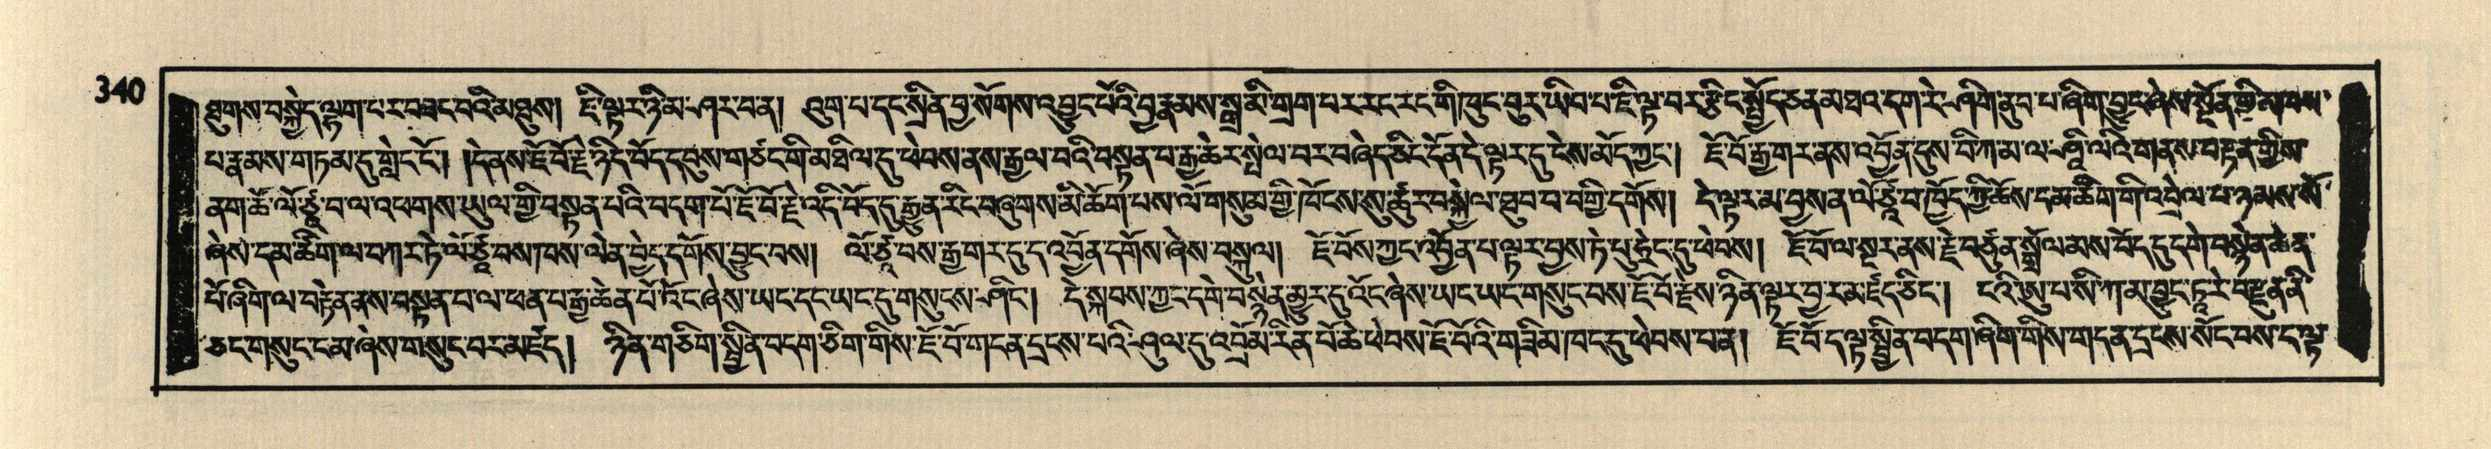ཐུགས་བསྐྱེད་ལྷག་པར་བཟང་བའི་མཐུས། ཇི་ལྟར་ཉི་མ་ཤར་བ་ན། འུག་པ་དང་སྲིན་བྱ་སོགས་འབྱུང་པོའི་བྱ་རྣམས་སྒྲ་མི་གྲག་པར་རང་རང་གི་ཁུང་བུར་ཡིབ་པ་ཇི་ལྟ་བར་རྩིང་སྤྱོད་ཅན་མཐའ་དག་རེ་ཤིག་ནུབ་པ་ཞིག་བྱུང་ཞེས་སྔོན་གྱི་མཁས་
པ་རྣམས་གཏམ་དུ་གླེང་ངོ། །དེ་ནས་ཇོ་བོ་རྗེ་ཉིད་བོད་དབུས་གཙང་གི་མཐིལ་དུ་ཕེབས་ནས་རྒྱལ་བའི་བསྟན་པ་རྒྱ་ཆེར་སྤེལ་བར་བཞེད་ཅིང་དོན་དེ་ལྟར་དུ་ངེས་མོད་ཀྱང་། ཇོ་བོ་རྒྱ་གར་ནས་འབྱོན་དུས་བི་ཀ་མ་ལ་ཤཱི་ཀའི་གནས་བརྟན་གྱིས་
ནག་ཚོ་ལོ་ཙཱ་བ་ལ་འཕགས་ཡུལ་གྱི་བསྟན་པའི་བདག་པོ་ཇོ་བོ་རྗེ་འདི་བོད་དུ་རྒྱུན་རིང་བཞུགས་མི་ཆོག་པས་ལོ་གསུམ་གྱི་ཁོངས་སུ་ཚུར་བསྐྱེལ་ཐུབ་བ་བགྱི་དགོས། དེ་ལྟར་མ་བྱས་ན་ལོ་ཙཱ་བ་ཁྱོད་ཀྱི་ཆོས་དམ་ཚིག་གི་འབྲེལ་པ་ཉམས་སོ་
ཞེས་དམ་ཚིག་ལ་བཀར་ཏེ་ལོ་ཙཱ་བས་ཁས་ལེན་བྱེད་དགོས་བྱུང་བས། ལོ་ཙཱ་བས་རྒྱ་གར་དུ་ད་འབྱོན་དགོས་ཞེས་བསྐུལ། ཇོ་བོས་ཀྱང་འབྱོན་པ་ལྟར་བྱས་ཏེ་པུ་ཧྲེང་དུ་ཕེབས། ཇོ་བོ་ལ་སྔར་ནས་རྗེ་བཙུན་སྒྲོལ་མས་བོད་དུ་དགེ་བསྙེན་ཆེན་
པོ་ཞིག་ལ་བརྟེན་ནས་བསྟན་པ་ལ་ཕན་པ་རྒྱ་ཆེན་པོ་འོང་ཞེས་ཡང་དང་ཡང་དུ་གསུངས་ཤིང་། དེ་སྐབས་ཀྱང་དགེ་བསྙེན་མྱུར་དུ་འོང་ཞེས་ཡང་ཡང་གསུང་བས་ཇོ་བོ་རྗེས་ཉིན་ལྟར་བྱ་ར་མཛད་ཅིང་། ངའི་ཨུ་པ་སི་ཀ་མ་བྱུང་ཏཱ་རེ་བརྫུན་ནི་
ཅང་གསུང་ངམ་ཞེས་གསུང་བར་མཛད། ཉིན་གཅིག་སྦྱིན་བདག་ཅིག་གིས་ཇོ་བོ་གདན་དྲངས་པའི་ཤུལ་དུ་འབྲོམ་རིན་པོ་ཆེ་ཕེབས་ཇོ་བོའི་གཟིམ་ཁང་དུ་ཕེབས་པ་ན། ཇོ་བོ་ད་ལྟ་སྦྱིན་བདག་ཞིག་གིས་གདན་དྲངས་སོང་བས་ད་ལྟ་